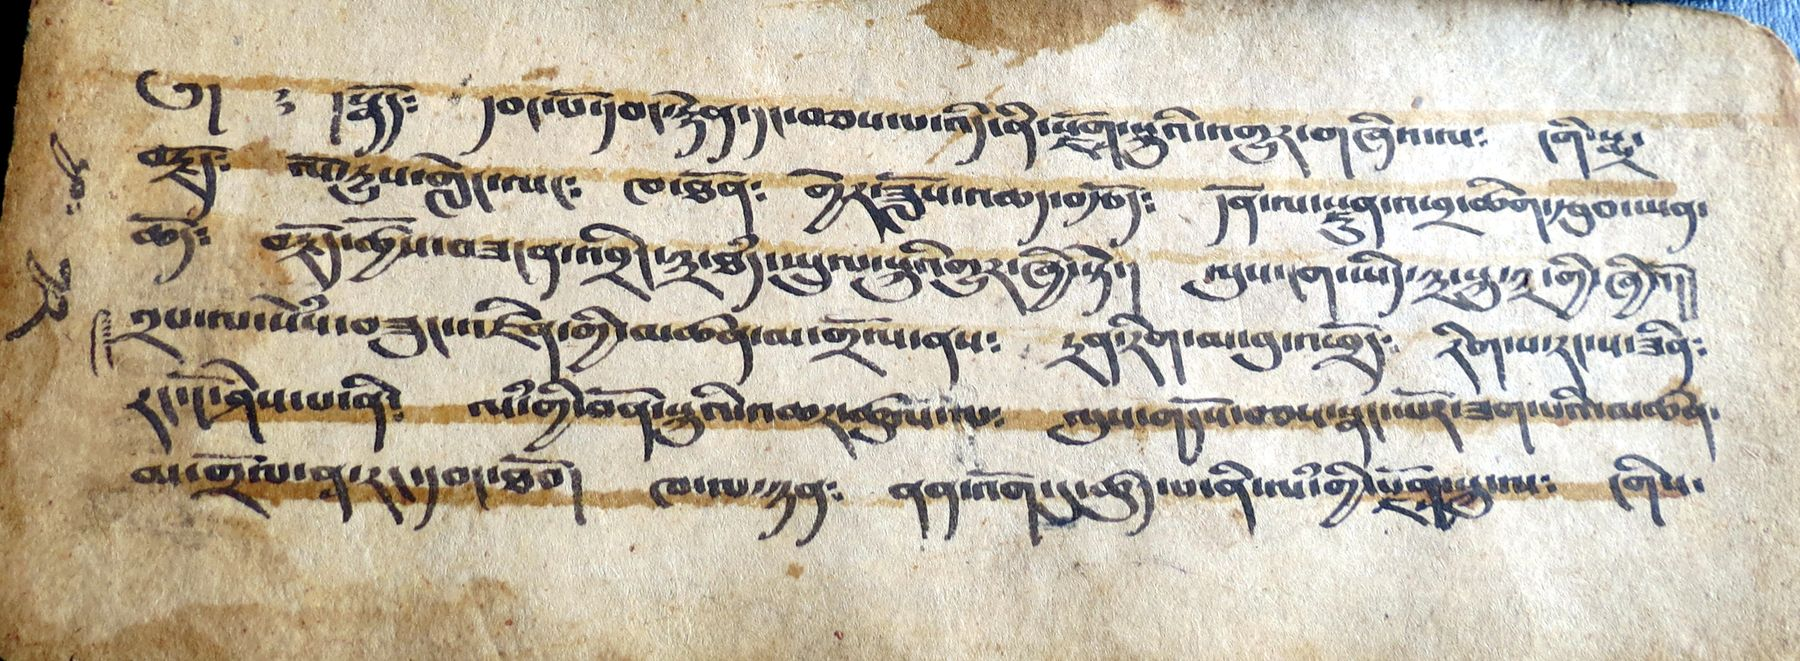སྣོད། དབང་པོ་དབང་རྟེན་དང་བཅས་པ་འདི་ནི་རྫོགས་སྐུའི་འགྱུར་གཞི་ལ། ངག་གི་སྨྲ་
བརྗོད་ལོ་རྒྱུས་གླེང་ལོང་། ཁ་ཐོན་གྱེར་ཟློས། འཆད་རྩོད། དོན་ལ་རྫུན་འཕྲ་མ་ཚིག་རྩུབ་ཡན་
ཆོད་བརྗོད། ཚོགས་བཟང་ངན་འབྲིང་གསུམ་ཐམས་ཅད་སྤྲུལ་སྐུའི་འགྱུར་གཞི་སྟེ། ལུས་ངག་ཡིད་གསུམ་སྐུ་གསུམ་གྱི་འགྱུར་གཞིའོ། ། 
གཉིས་པ་ལ་སེམས་གཟུང་འཛིན་གྱི་མཚན་མ་གྲོལ་ནས་དྲན་རིག་མ་བུ་འཕྲོད། རིག་པ་རང་ས་ཟིན། 
རང་ངོ་ཤེས་པ་ནི། ལམ་གྱི་བོན་སྐུའི་འཆར་ཚུལ་ལ། ལུས་གདོས་བཅས་སྣང་ཡོར་ཟག་པའི་མཚན་
མ་གྲོལ་ནས་རང་དབང་ཐོབ། ཁ་ལ་ཉོན། ནན་འོག་ཏུ་ཚུད་པ་ནི་ལམ་གྱི་རྫོགས་སྐུ་ལ། ངག་གི་